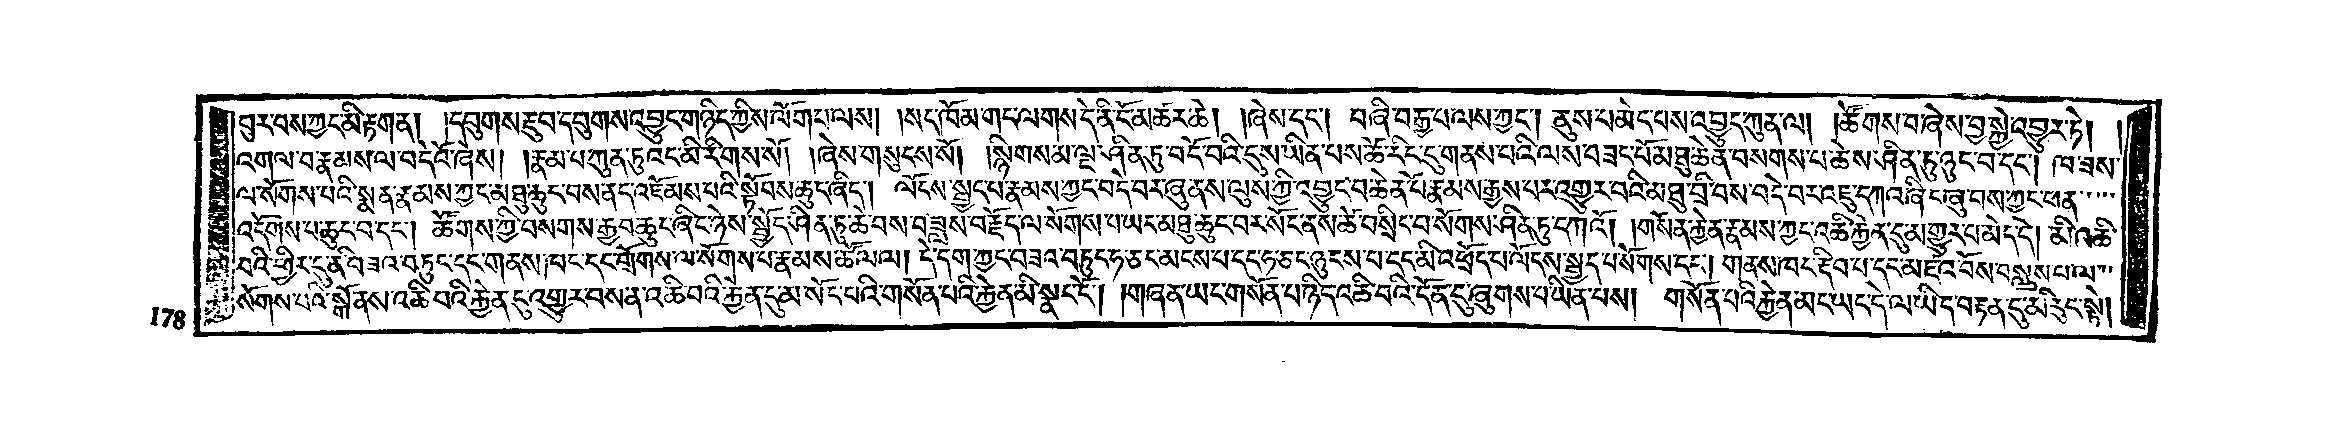བུར་བས་ཀྱང་མི་རྟག་ན། །དབུགས་རྡུབ་དབུགས་འབྱུང་གཉིད་ཀྱིས་ལོག་པ་ལས། །སད་ཁོམ་གང་ལགས་དེ་ནི་ངོ་མཚར་ཆེ། །ཞེས་དང་། བཞི་བརྒྱ་པ་ལས་ཀྱང་། ནུས་པ་མེད་པས་འབྱུང་ཀུན་ལ། །ཚོགས་པ་ཞེས་བྱ་སྐྱེ་འབྱུར་ཏེ། །
འགལ་བ་རྣམས་ལ་བདེའོ་ཞེས། །རྣམ་པ་ཀུན་ཏུའང་མི་རིགས་སོ། །ཞེས་གསུངས་སོ། །སྙིགས་མ་ལྔ་ཤིན་ཏུ་བདོ་བའི་དུས་ཡིན་པས་ཚེ་རིང་དུ་གནས་པའི་ལས་བཟང་པོ་མཐུ་ཆེན་བསགས་པ་ཆེས་ཤིན་ཏུ་ཉུང་བ་དང་། ཁ་ཟས་
ལ་སོགས་པའི་སྨན་རྣམས་ཀྱང་མཐུ་ཆུང་བས་ནད་འཇོམས་པའི་སྟོབས་ཆུང་ཞིང་། ལོངས་སྦྱང་པ་རྣམས་ཀྱང་བདེ་བར་ཞུ་ནས་ལུས་ཀྱི་འབྱུང་བ་ཆེན་པོ་རྣམས་རྒྱས་པར་འགྱུར་བའི་མཐུ་བྲི་བས་བདེ་བར་འཇུ་དཀའ་ཞིང་ཞུ་བས་ཀྱང་ཕན་
འདོགས་པ་ཆུང་བ་དང་། ཚོགས་ཀྱི་བསགས་རྒྱབ་ཆུང་ཞིང་ཉེས་སྦྱོད་ཤིན་ཏུ་ཆེ་བས་བཟླས་བརྗོད་ལ་སོགས་པ་ཡང་མཐུ་ཆུང་བར་སོང་ནས་ཚེ་བསྲིང་བ་སོགས་ཤིན་ཏུ་དཀའོ། །གསོན་རྐྱེན་རྣམས་ཀྱང་འཆི་རྐྱེན་དུ་མ་གྱུར་པ་མེད་དེ། མི་འཆི་
བའི་ཕྱིར་དུ་ནི་བཟའ་བཏུང་དང་གནས་ཁང་དང་གྲོགས་ལ་སོགས་པ་རྣམས་ཚོལ་ལ། དེ་དག་ཀྱང་བཟའ་བཏུང་ཧ་ཅང་མངས་པ་དང་ཧ་ཅང་ཉུངས་པ་དང་མི་འཕྲོད་པ་ལོངས་སྦྱད་པ་སོགས་དང་། གནས་ཁང་རྡིབ་པ་དང་མཛའ་བོས་བསླུས་པ་ལ་
སོགས་པའི་སྒོ་ནས་འཆི་བའི་རྐྱེན་དུ་འགྱུར་བས་ན་འཆི་བའི་རྐྱེན་དུ་མ་སོང་བའི་གསོན་པའི་རྐྱེན་མི་སྣང་ངོ། །གཞན་ཡང་གསོན་པ་ཉིད་འཆི་བའི་དོན་དུ་ཞུགས་པ་ཡིན་པས། གསོན་པའི་རྐྱེན་མང་ཡང་དེ་ལ་ཡིད་བརྟན་དུ་མི་རུང་སྟེ།